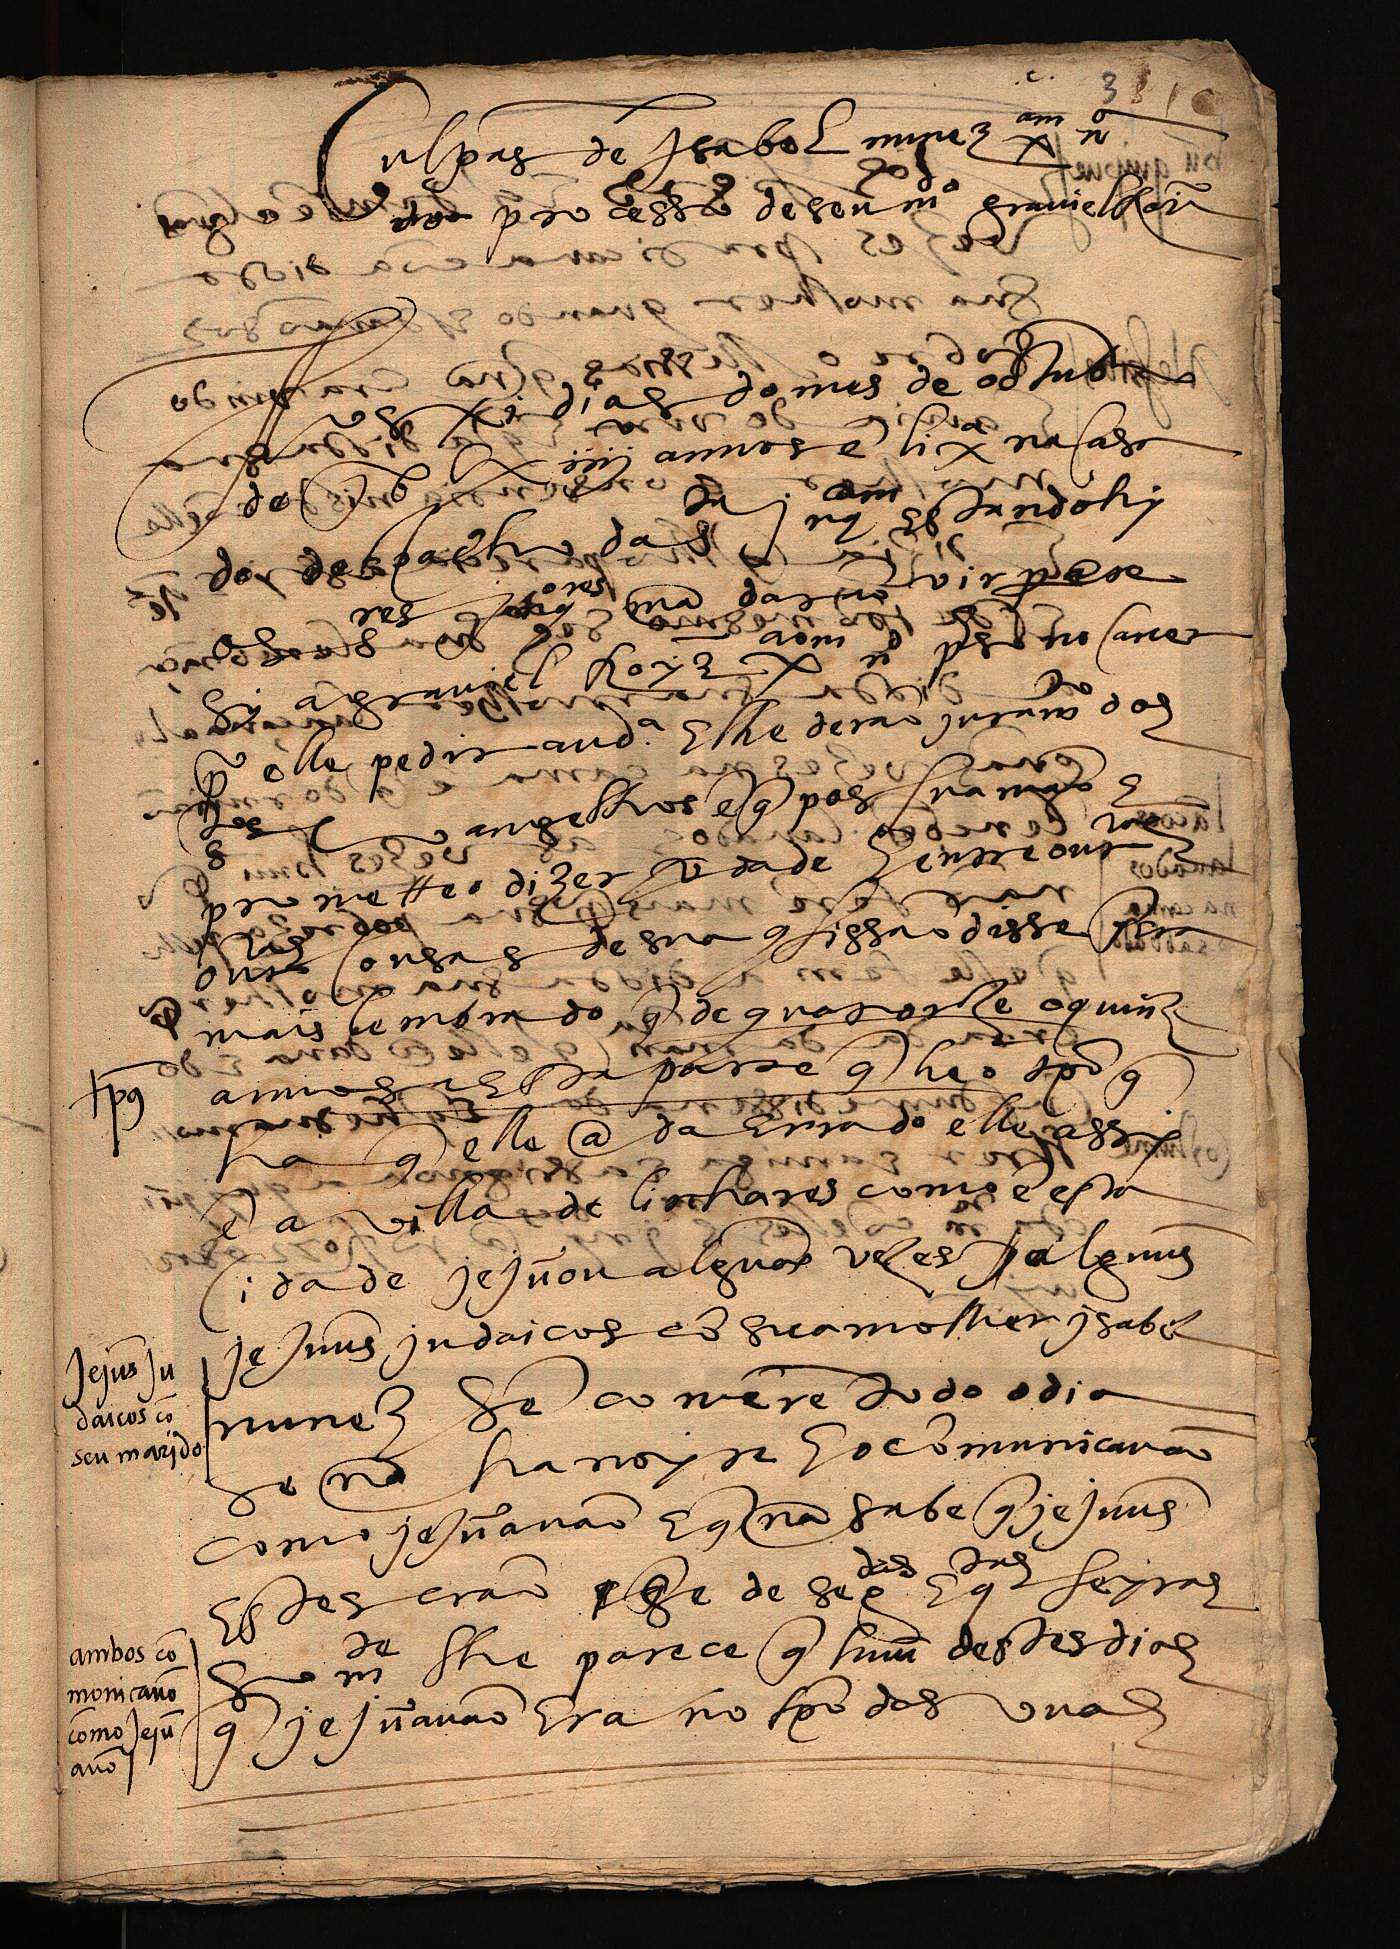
tp̄ꝯ
Jejūs Ju
daicos cō
seu marjdo.
ambos cō
monicauō
cōmo Jejū
auō
Culpas de Jsabel nunez xam na
do processo de seu mo grauiel Roiz̄
Aos xi dias do mes de octubro
de j̄ b lxiiij annos ē lixa na Casa
do despacho da Sta Jnqcam Estando hy
os sres Jnqores mādaraõ vir ꝑāte
sy a grauiel Royz̄ xaom no p̄so no Carcer
p̄o elle pedir aud.a E lhe deraõ juramto dos
stos evangelhos ē q̄ pos sua maõ E
prometteo dizer ꝟdade E entre outras
outras Cousas de sua ꝯfissão disse q̄ era
mais lembrado q̄ de quatorze o quinze
annos a Esta parte q̄ he o tpō q̄
ha q̄ elle āda Errado elle assy
ē a villa de linhares como ē esta
Cidade jeJūou algūas vezes j alguūs
jeJuūs judaicos cō sua molher jsabel
nunez sē comerē todo o dia
senā ha noyte E o cōmunicavaõ
como jeJūauaõ E q̄ nā sabe q̄ jejuūs
Estes eraõ _ se de segdas E qtas feyras
somte lhe parece q̄ huū destes dias
q̄ jejūauaõ Era no tpō das vuas
